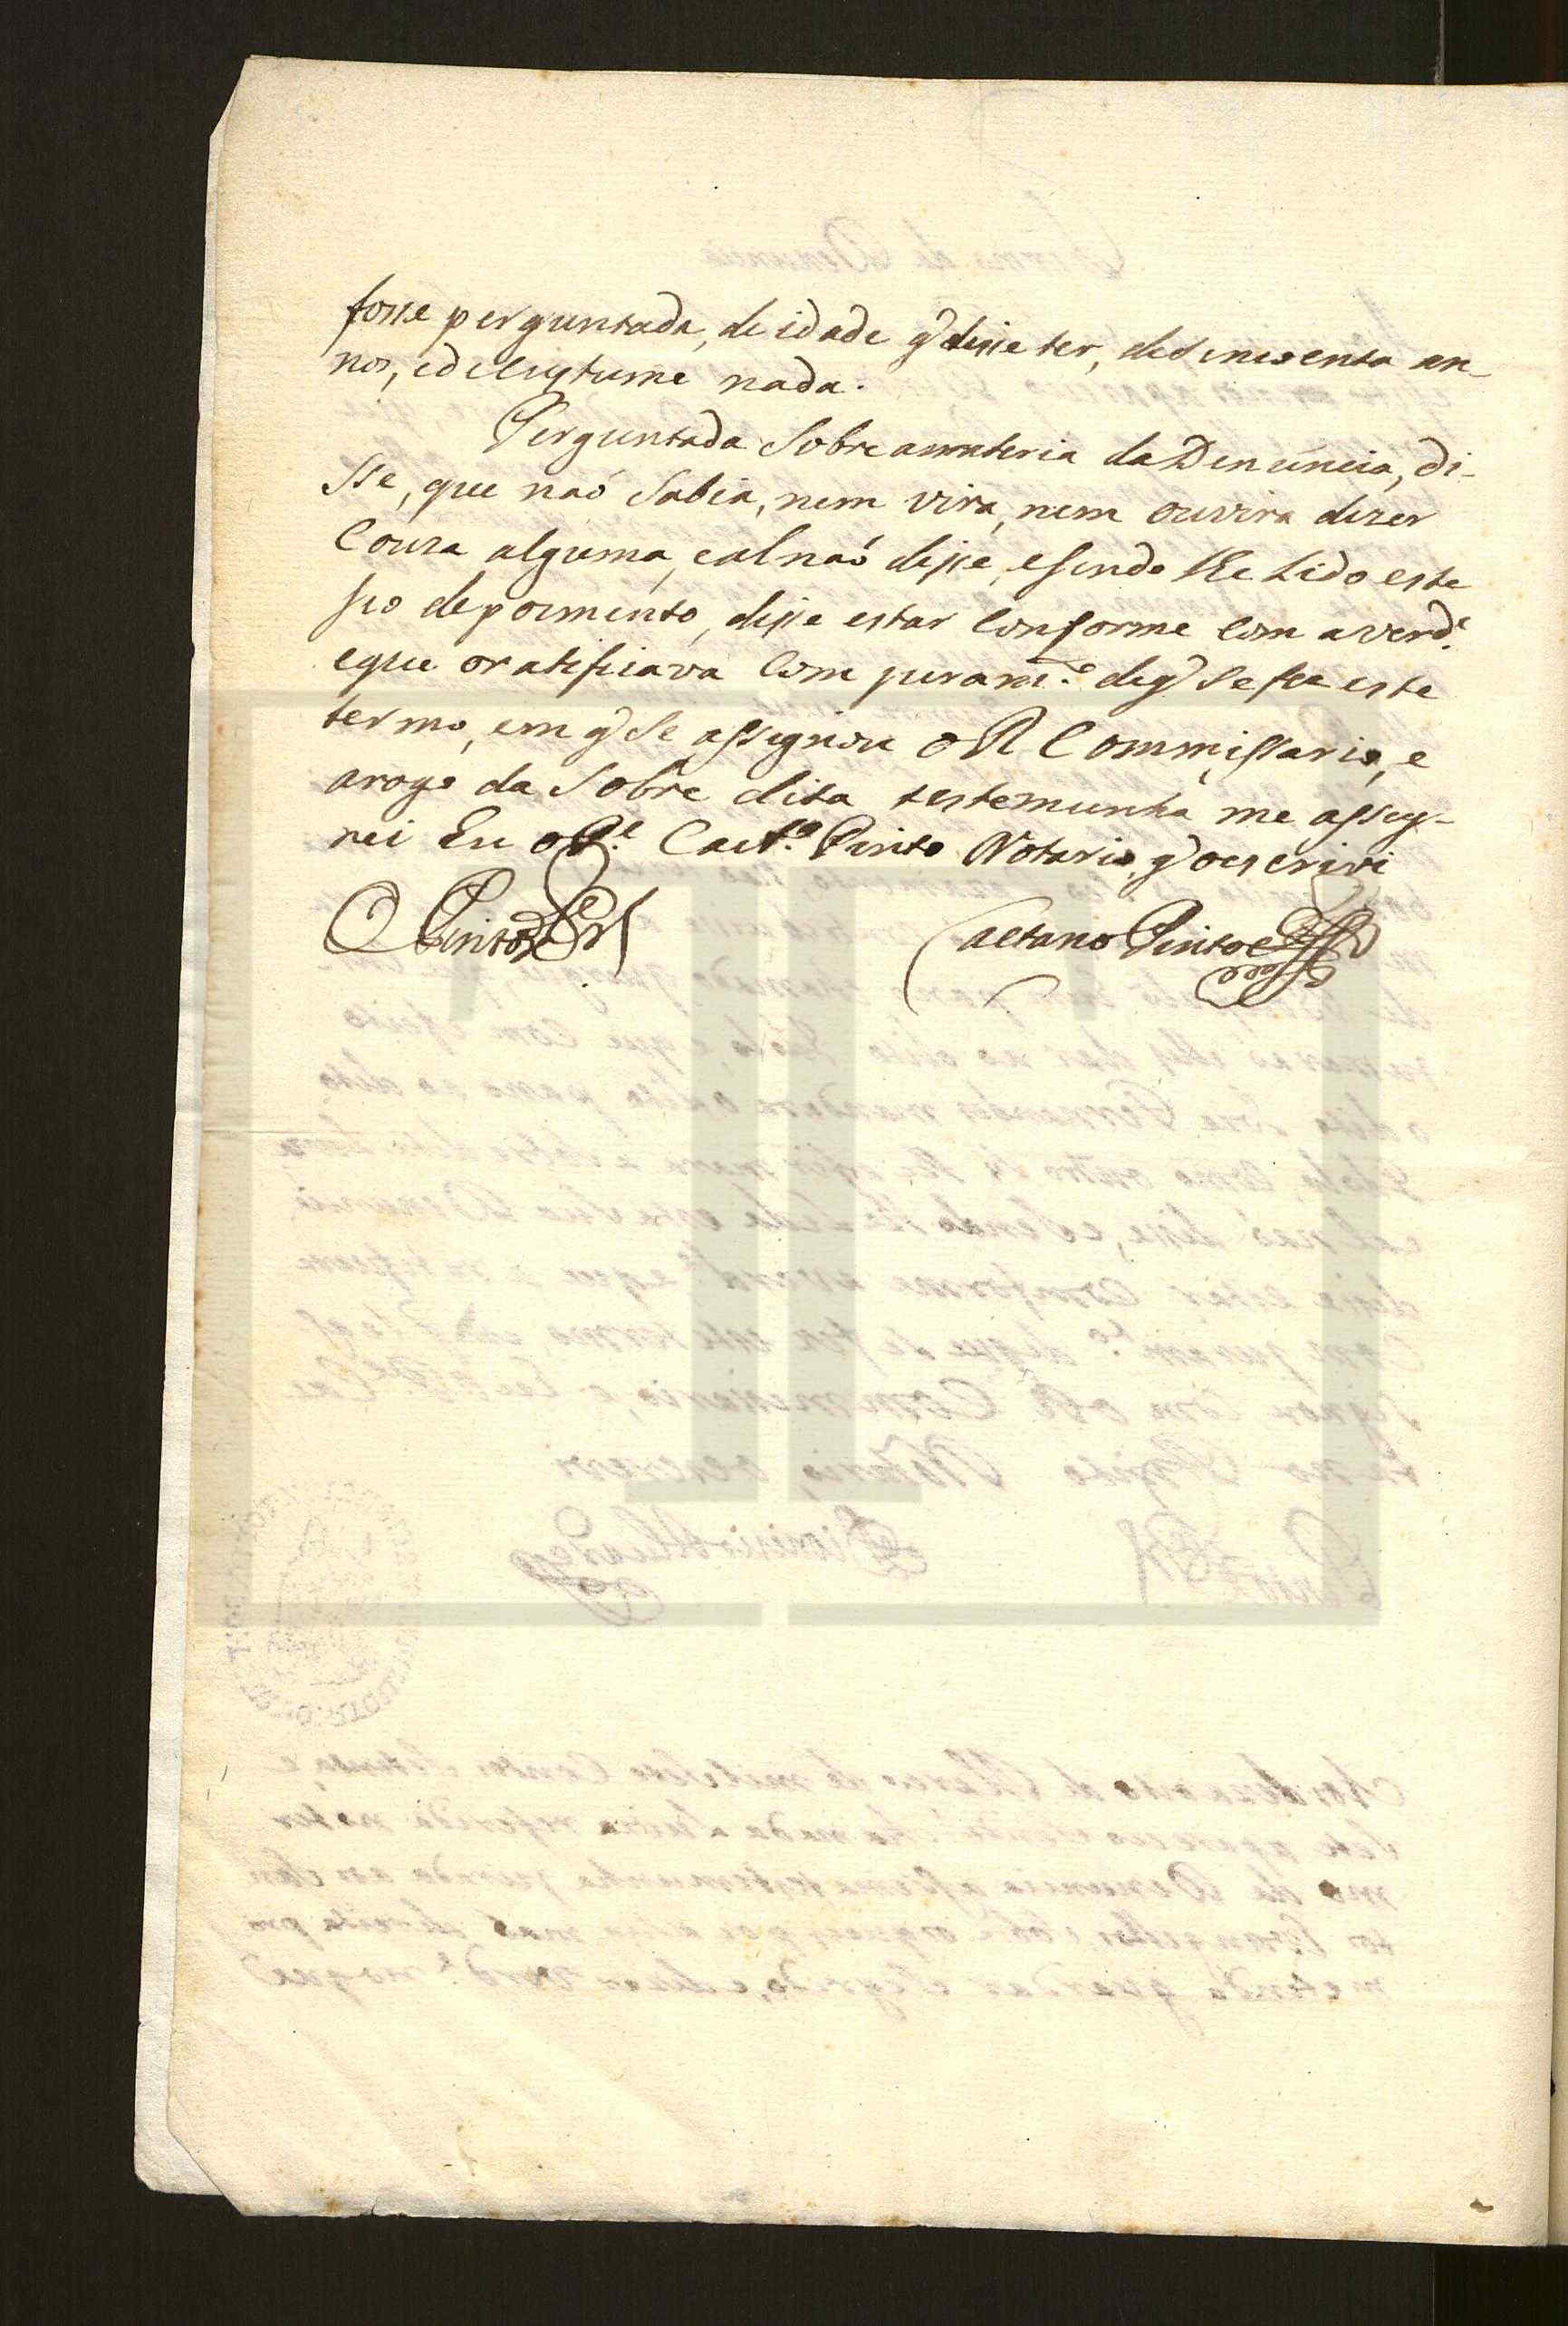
fosse perguntada, de idade q̄ disse ter, de sincoenta an
nos, e de custume nada.
Perguntada sobre a materia da Denuncia, di
sse, que naõ sabia, nem vira nem ouvira dizer
Couza alguma, e al naõ disse, e sendo lhe Lido este
seo depoimento, disse estar conforme com a verd.e
e que o ratificava com juram.to de q̄ se fes este
termo, em q̄ se assignou o R Commissario, e
a rogo da sobredita testemunha me asseg
nei Eu o P.e Caet.o Pinto Notario, q̄ o escrevi
O Pinto xer
Caetano Pinto
